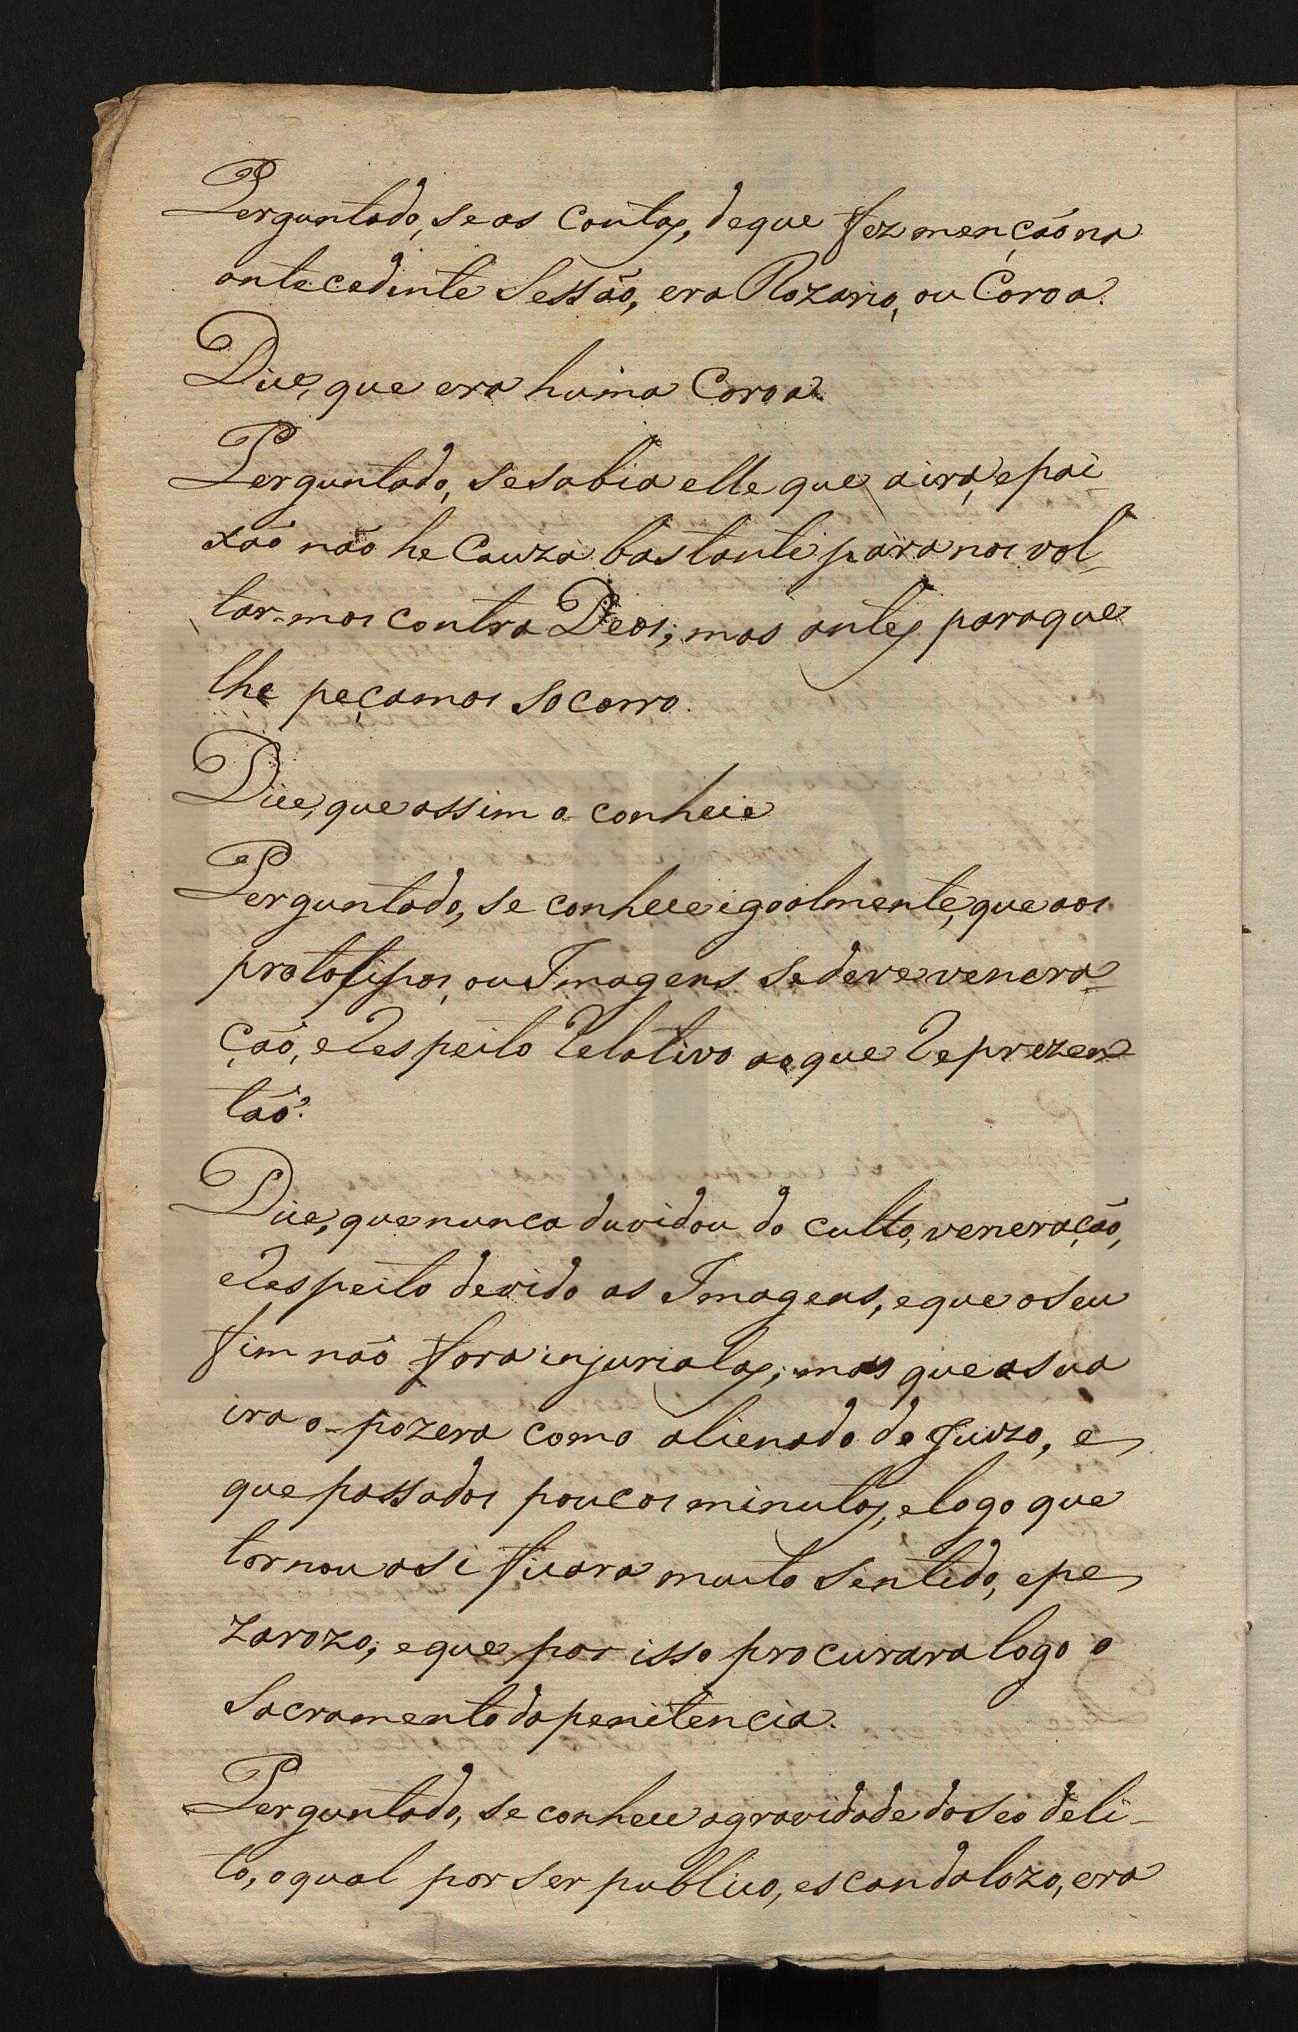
Perguntado, se as contas, de que fez mençaõ na
antecedente Sessaõ, era Rozario, ou Coroa.
Dice, que era huma Coroa
Perguntado, se sabia elle que a ira, e pai
xaõ naõ he cauza bastante para nos vol
tar-mos contra Deos; mas antes para que
lhe peçamos socorro.
Dice, que assim o conhece
Perguntado, se conhece igualmente, que aos
prototipos, ou Imagens se deve venera
çaõ, e Respeito Relativo ao que Reprezen
taõ.
Dice, que nunca duvidou do culto, veneração,
e Respeito devido as Imagens, e que o seu
fim não fora injuria las, mas que a sua
ira o pozera como alienado do Juizo, e
que passados poucos minutos, e logo que
tornou a si ficara muito sentido, e pe
zarozo, e que por isso procurara logo o
Sacramento da penitencia.
Perguntado, se conhece a gravidade do seo deli
to, o qual por ser publico, escandalozo, era
